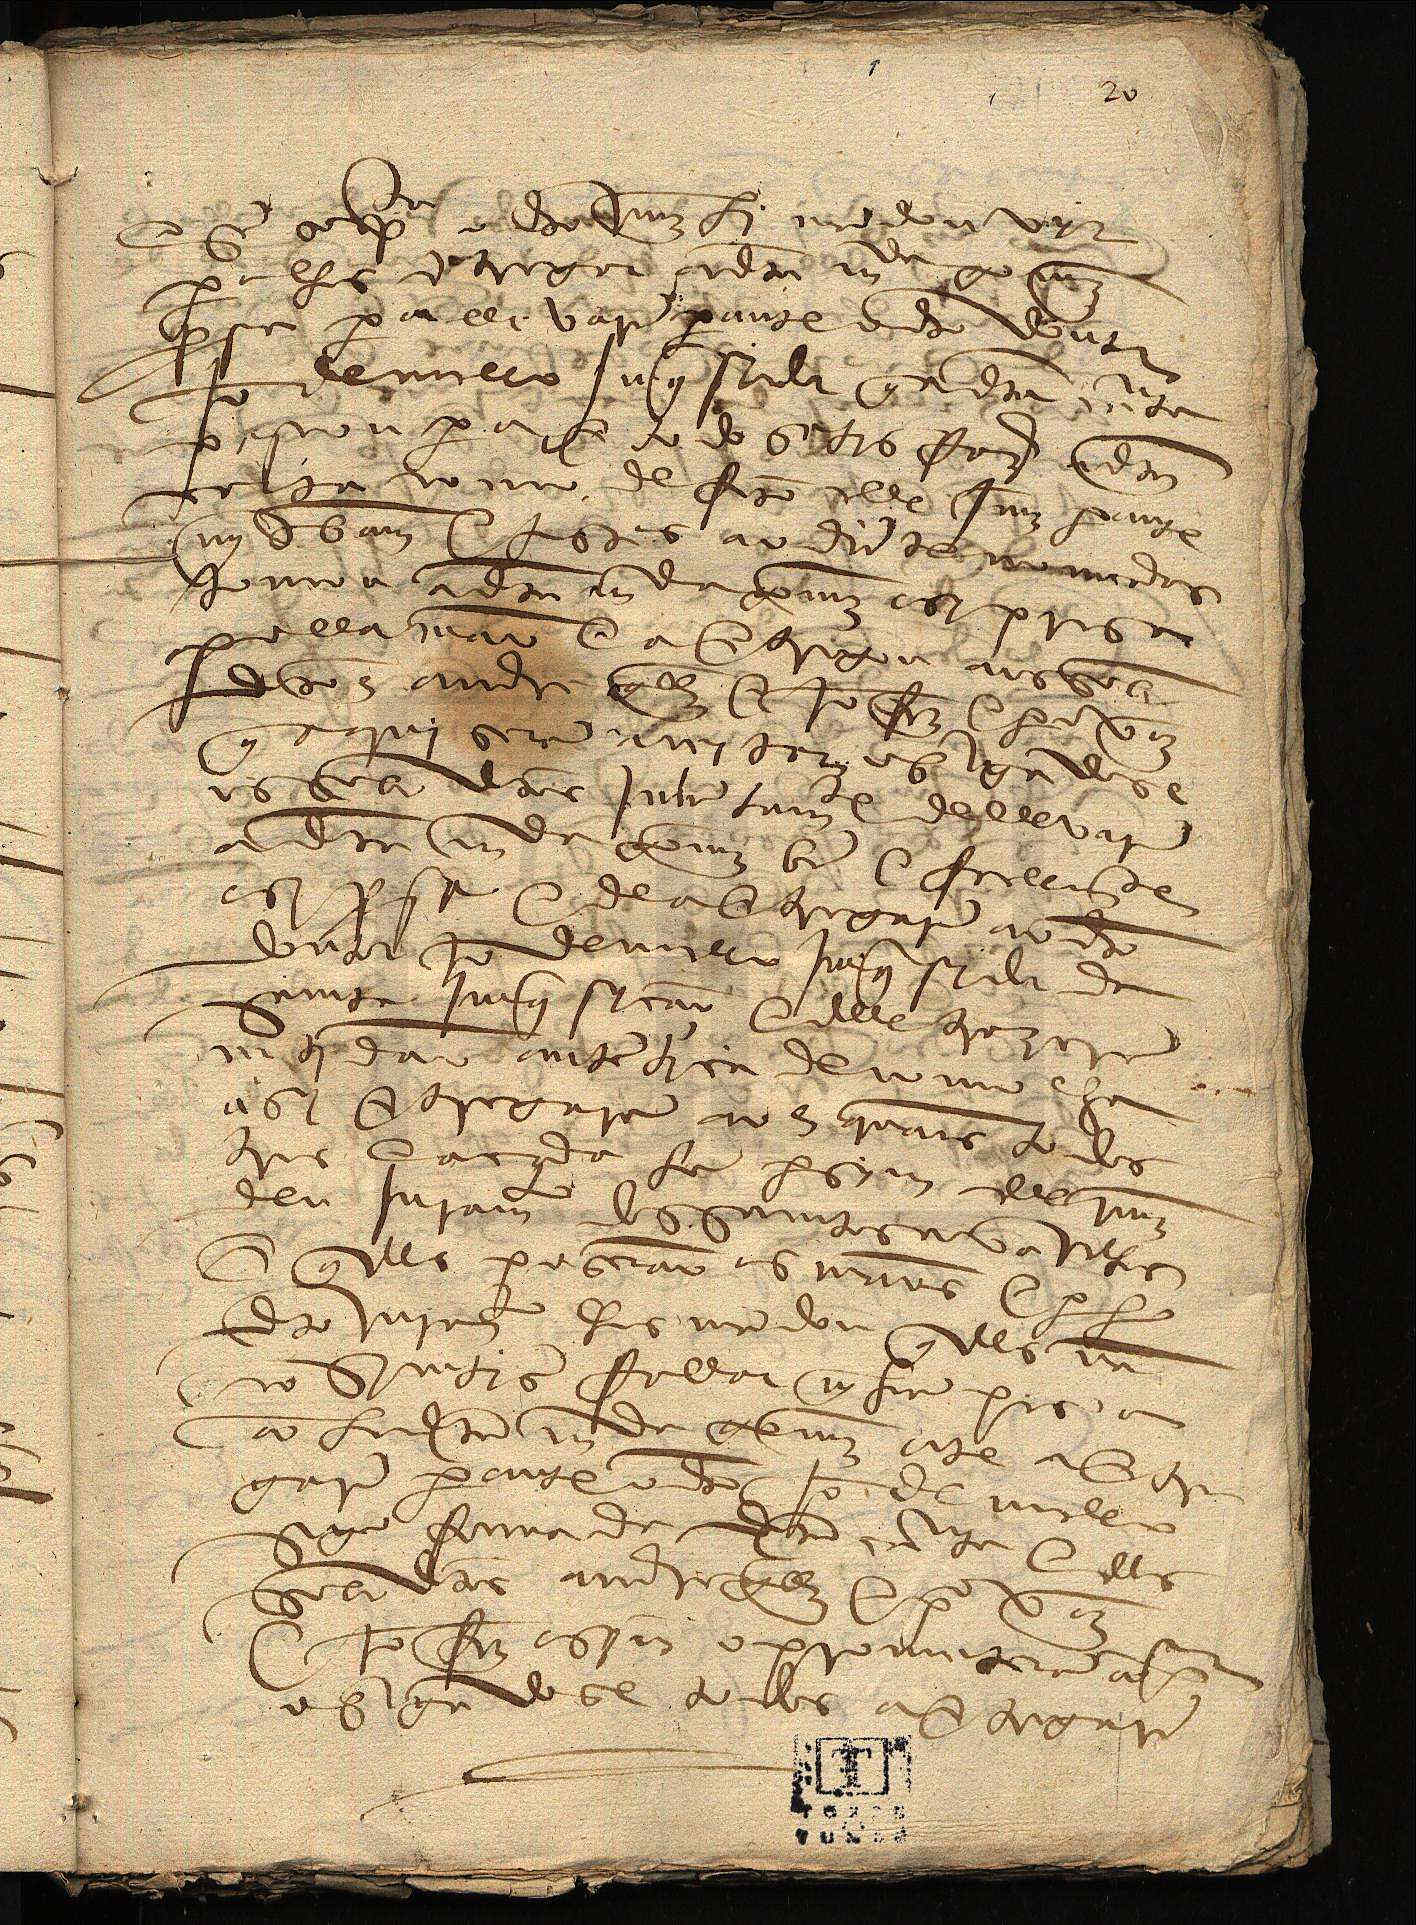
20
e sē sospta o dto Juiz hj mādou vyr
ꝑa lhes ētregar a dt̄ mda gomez
ꝓsa ꝑ a llevarē ꝑante dt̄ doutor
Jō de mello Jnq̄sidor q̄ a dt̄a carta
passou ꝑa ē todo satisfaz̄ a dt̄a
carta como de fctō elle Juiz ꝑante
m̄j t̄bam e testes ao diēte nomeadas
tomou a dt̄a mda gomez asy presa
polla mão e a ētregou aos sōbr
ditos andre ḡllz e Jō fr̄z e ꝑo vāz
q̄ a qujserā aceitar obigādose
os sōbrdtōs Juūtamte de llevarē
a d̄ta mda gomez bē e fiellmte
asj ꝑsa e de a ētregarē ao dt̄o
doutor Jō de mello Jmq̄sydor da
samta Jmq̄syção e delle trazerē
certjdão autētica de como lha
asy ētregarā aos qoaes todos
tres e a cada hū ꝑ sym elle juiz
deu Juramto dos samtos avājelhos
ē q̄ elles poserão as mãos e ꝑ ho
dt̄o Juramto lhes mādou q̄ elles nā
cōsjmtisē fallar nj̄huā pesoa
c̄o ha dt̄a mda gomez ate a ētre
garē ꝑante o dt̄o Jō de mello
sego forma da dt̄a carta e elles
sobr̄ditos andre ḡllz e po vāz
e Jō fr̄z asym o prometerā c̄op̄r
obigādo se todos a ētregarē
